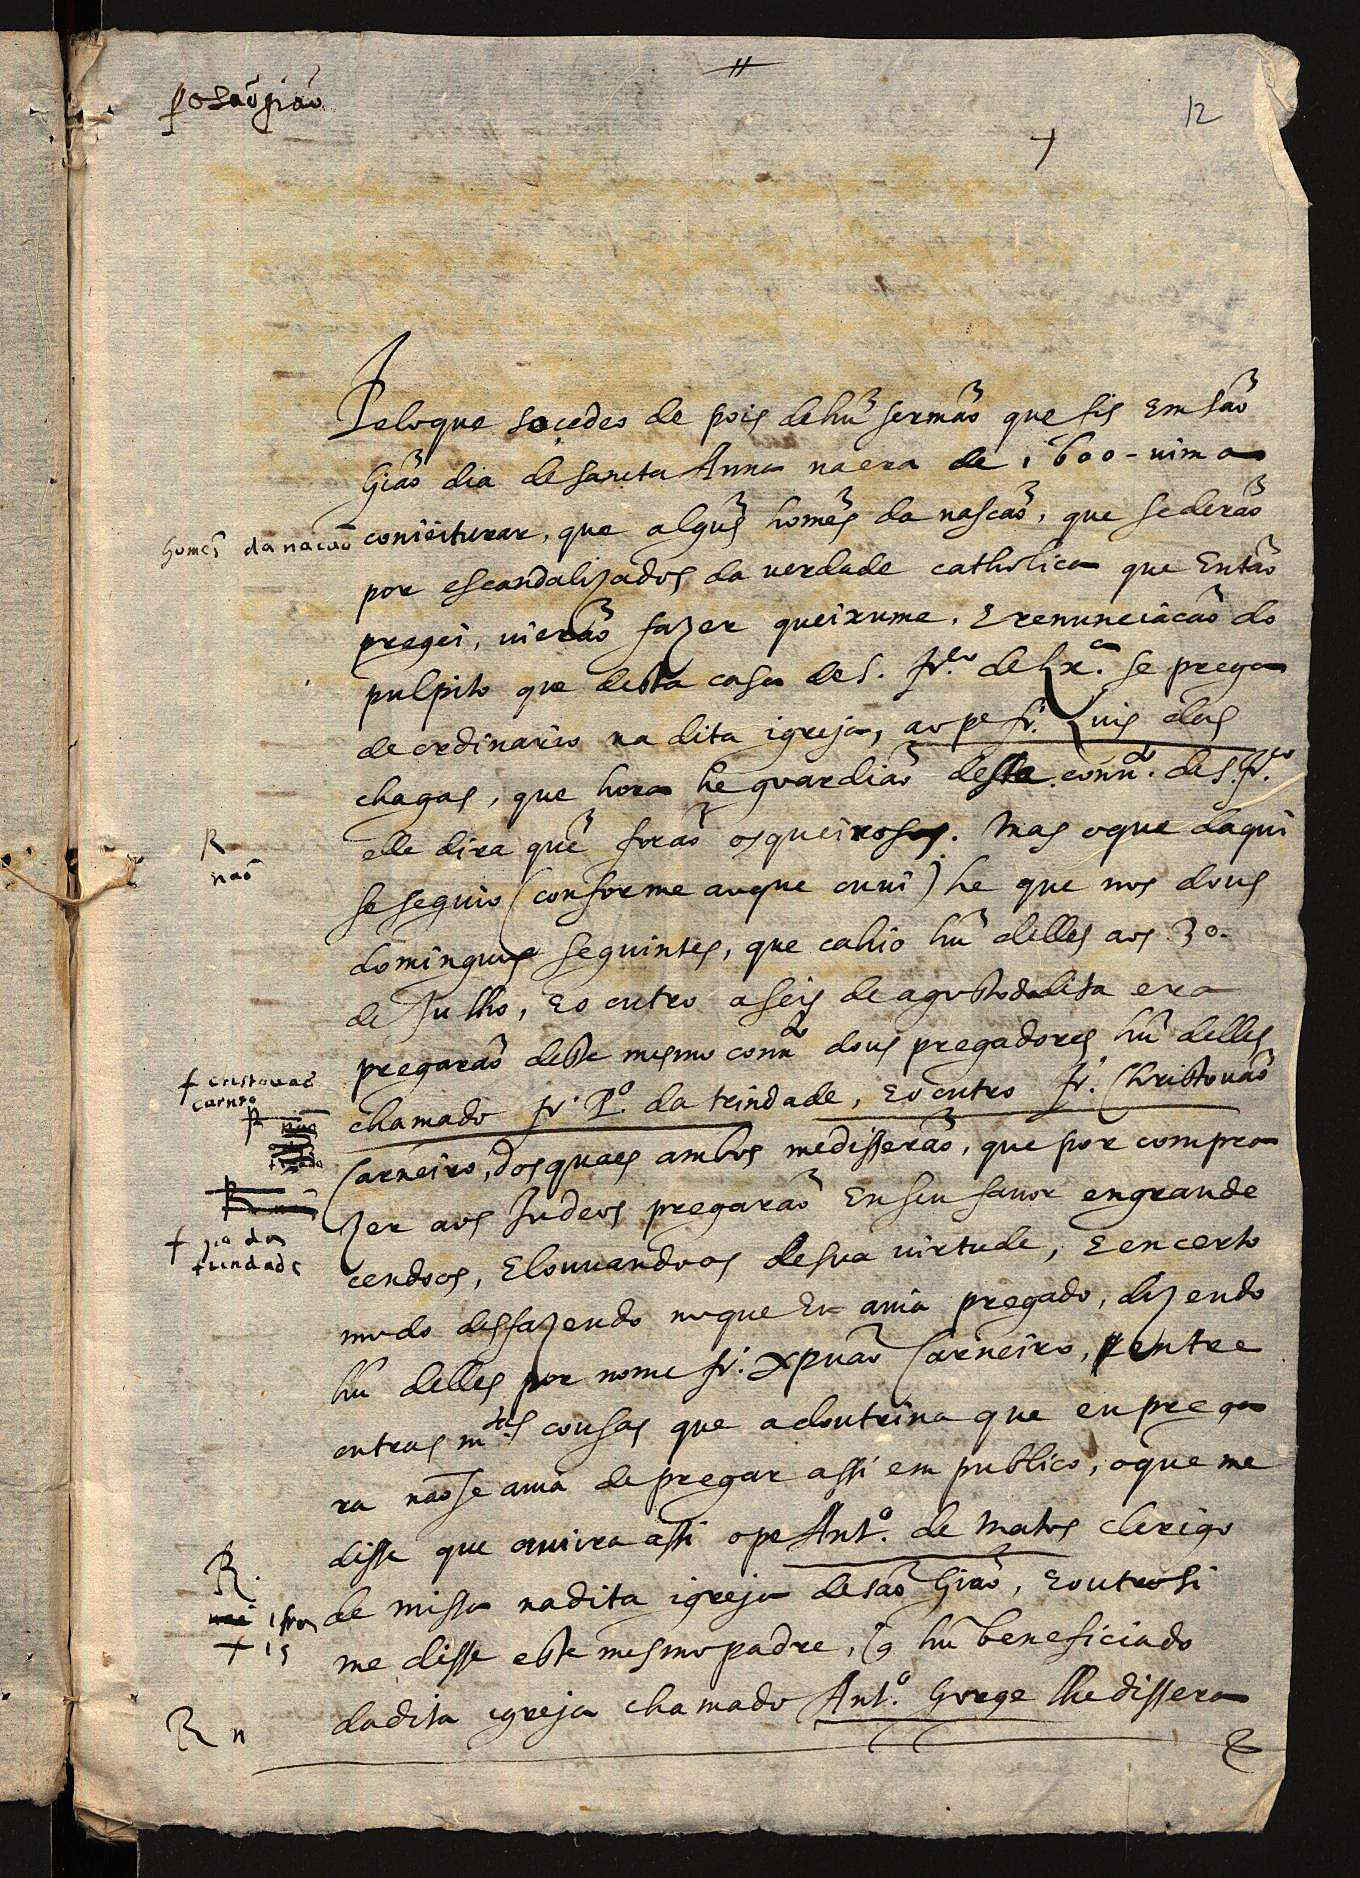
Pelo que soçedeo depois de hū sermão que fis Em saõ
Gião dia de sancta Anna na era de 1600 - uim a
conieiturar que algūs homēs da nascaõ, que se deraõ
por escandalizados da uerdade catholica que Então
pregei, uierão fazer queixume. E renunciacão do
pulpito que desta casa de s. fr.co de Lx.a se prega
de ordinario na dita igreja, ao pe fr. Luis das
chagas, que hora he guardiaõ deste conuto. de s. fr.co
elle dira quē foraõ os queixosos. mas o que daqui
se seguio (conforme ao que ouui) he que nos dous
dominguos seguintes, que cahio hū delles aos 30.
de Julho, E o outro a seis de agosto da dita era
pregaraõ deste mesmo conuto dous pregadores hū delles
chamado fr. P.o da trindade, E o outro fr. Christouaõ
Carneiro, dos quaes ambos me disserão, que por compra
zer aos Judeos pregaraõ En seu fauor en grande
cendoos, E louuandoos de sua uirtude, E en certo
modo desfazendo no que Eu auia pregado, dizendo
hū delles por nome fr. Xpuão Carneiro, e entre
outras mtas. cousas que a doutrina que enprega
ra não se auia de pregar assi em publico, o que me
disse que ouuira assi o pe Anto. de matos clerigo
de missa na dita igreja de saõ Giaõ, E outrosi
me disse este mesmo padre, q̄ hū beneficiado
da dita igreja chamado Ant.o Gorge lhe dissera
Ꝑo saõ giaõ
homes̄ da nacaõ
R
naõ
f cristouaõ
carnro
f po da
trindade
R.
_ 1 fra
f 15
R n
